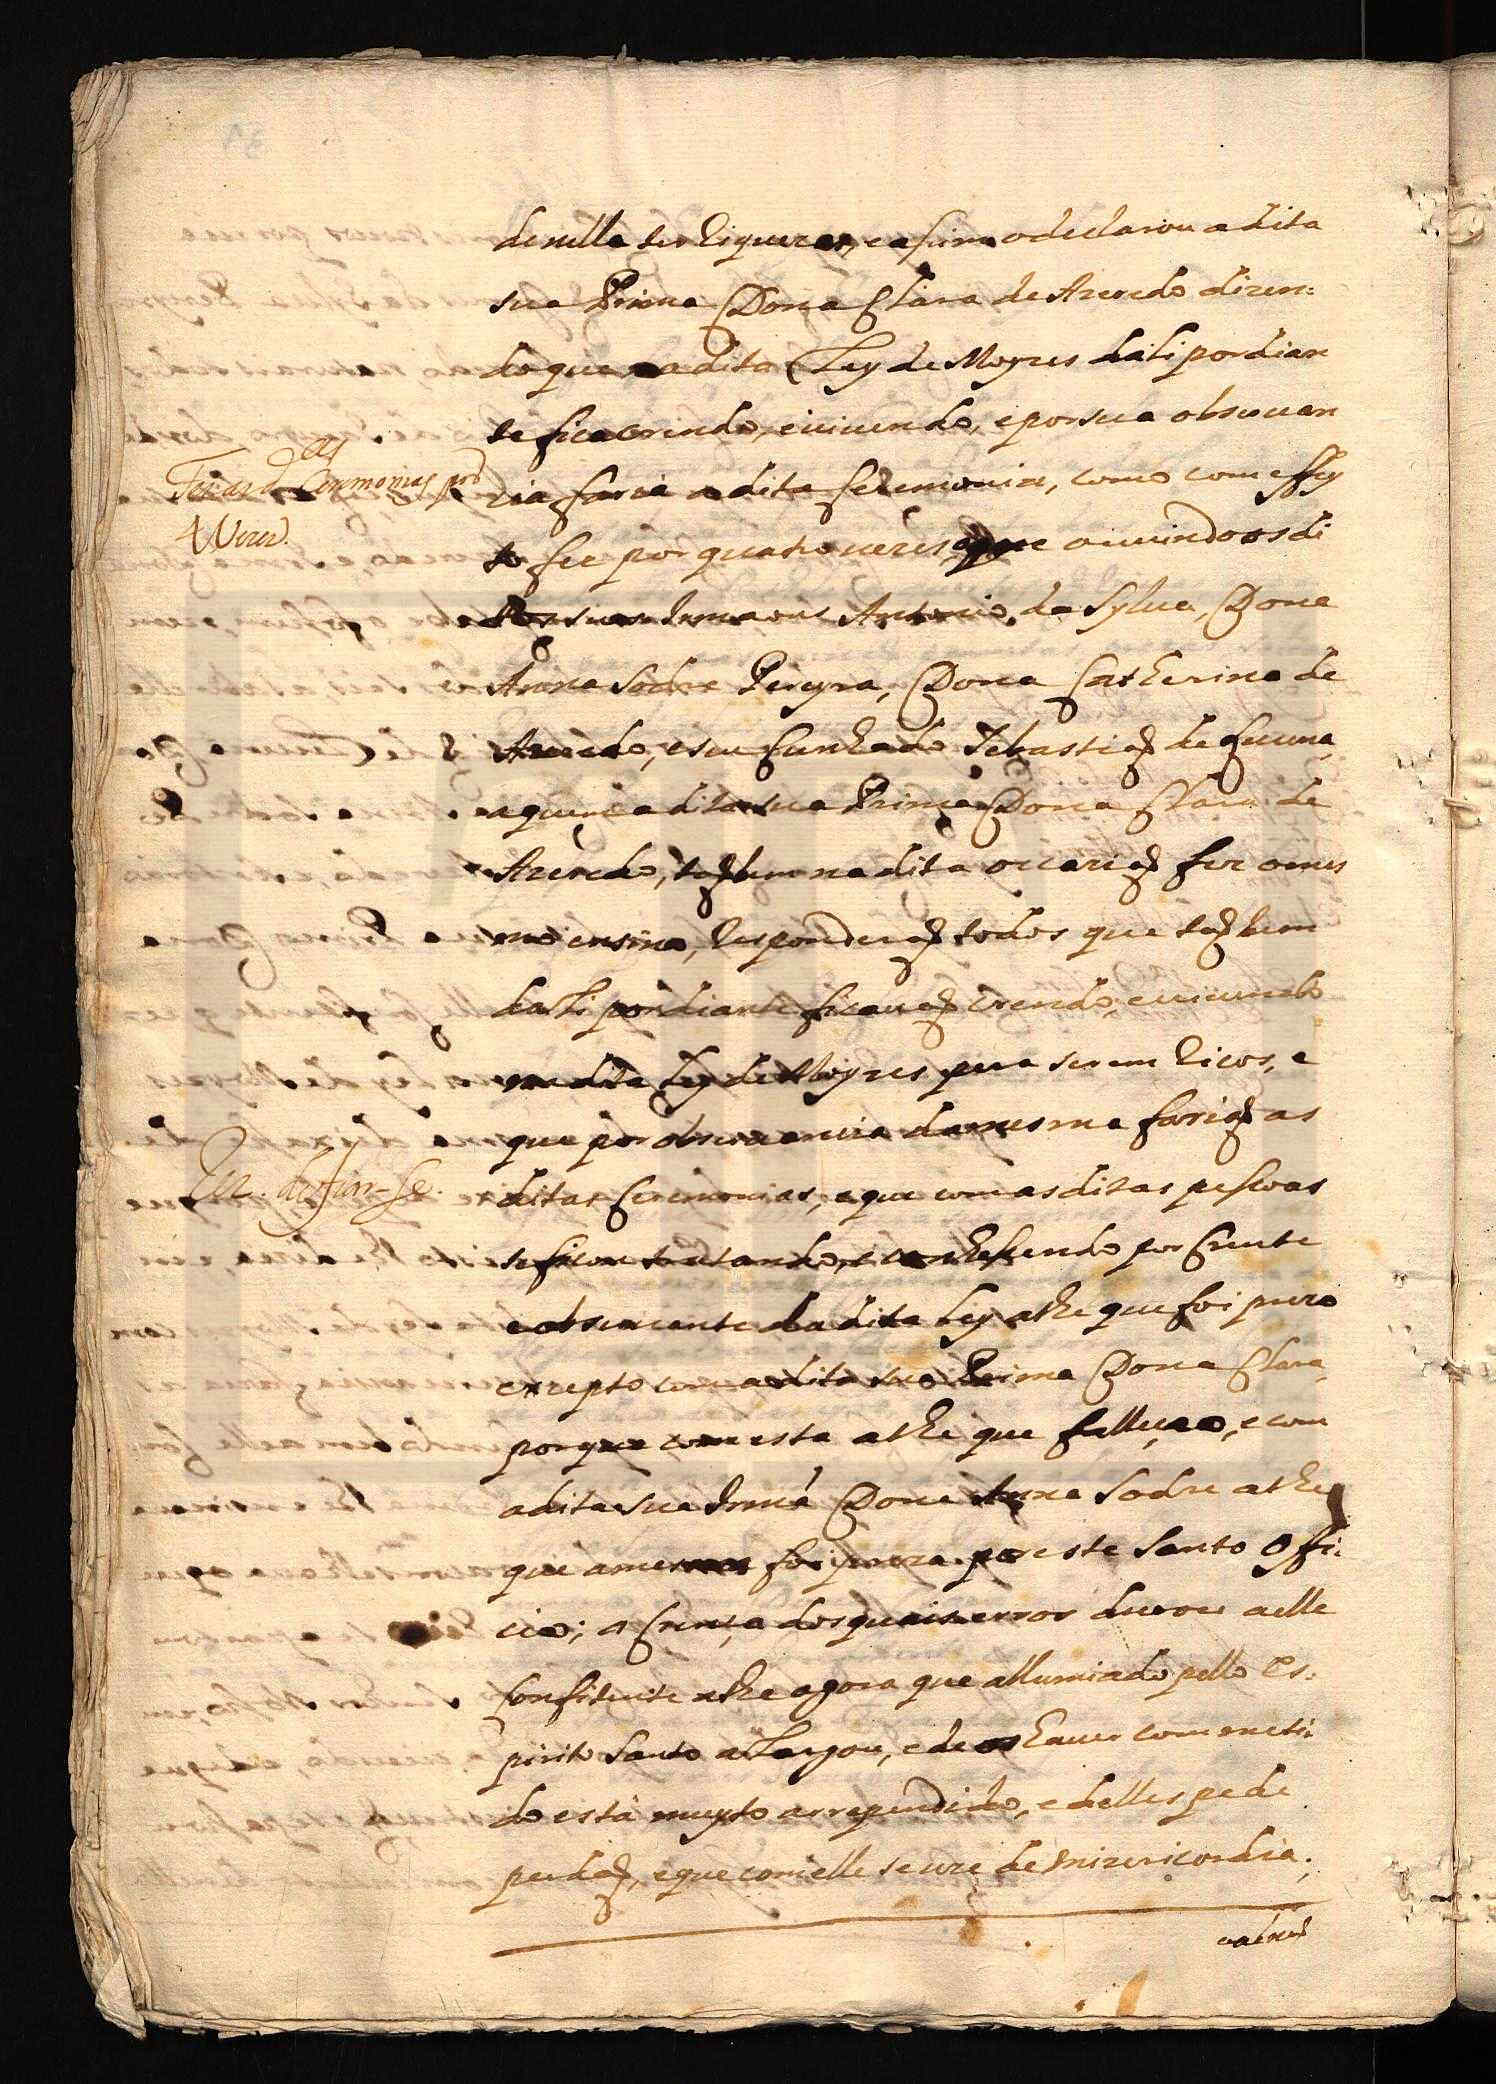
Fes as d.as Ceremonias por
4 Vezes.
Rez. de fiar-se
de nella ter Riquezas, e assima o declarou a dita
sua Prima Dona Clara de Azeredo dizen
do que na dita Ley de Moyzes dali por dian
te fica crendo, e uiuendo, e por sua obseruan
cia faria a dita Ceremonia, como com effey
to fez por quatro uezes, e que ouuindo os di
ttos seus Irmaons Antonio da Sylua, Dona
Anna Sodre Pereyra, Dona Catherina de
Azeredo, e seu Cunhado Sebastiaõ de Lucena,
a quem a dita sua Prima Dona Clara de
Azeredo, taõ bem na dita occaziaõ fez o mes
mo ensino, Responderaõ todos que taõbem
dali por diante ficauaõ crendo; e uiuendo
na dita Ley de Moyzes pera serem Ricos, e
que por obseruancia da mesma fariaõ as
ditas Ceremonias, e que com as ditas pessoas
se ficou tratando, e conhessendo por Crente
e obseruante da dita Ley athe que foi prezo
excepto com a dita sua Prima Dona Clara,
porque com esta athe que falleçeo, e com
a dita sua Irmã Dona Anna Sodre athe
que a mesma foi preza por este Santo Offi
cio; a Crença dos quais erros durou a elle
Confitente athe agora que allumiado pello es
pirito Santo a Largou, e de os hauer commeti
do está muyto arrependido, e delles pede
perdaõ, e que com elle se uze de mizericordia;
e al naõ
